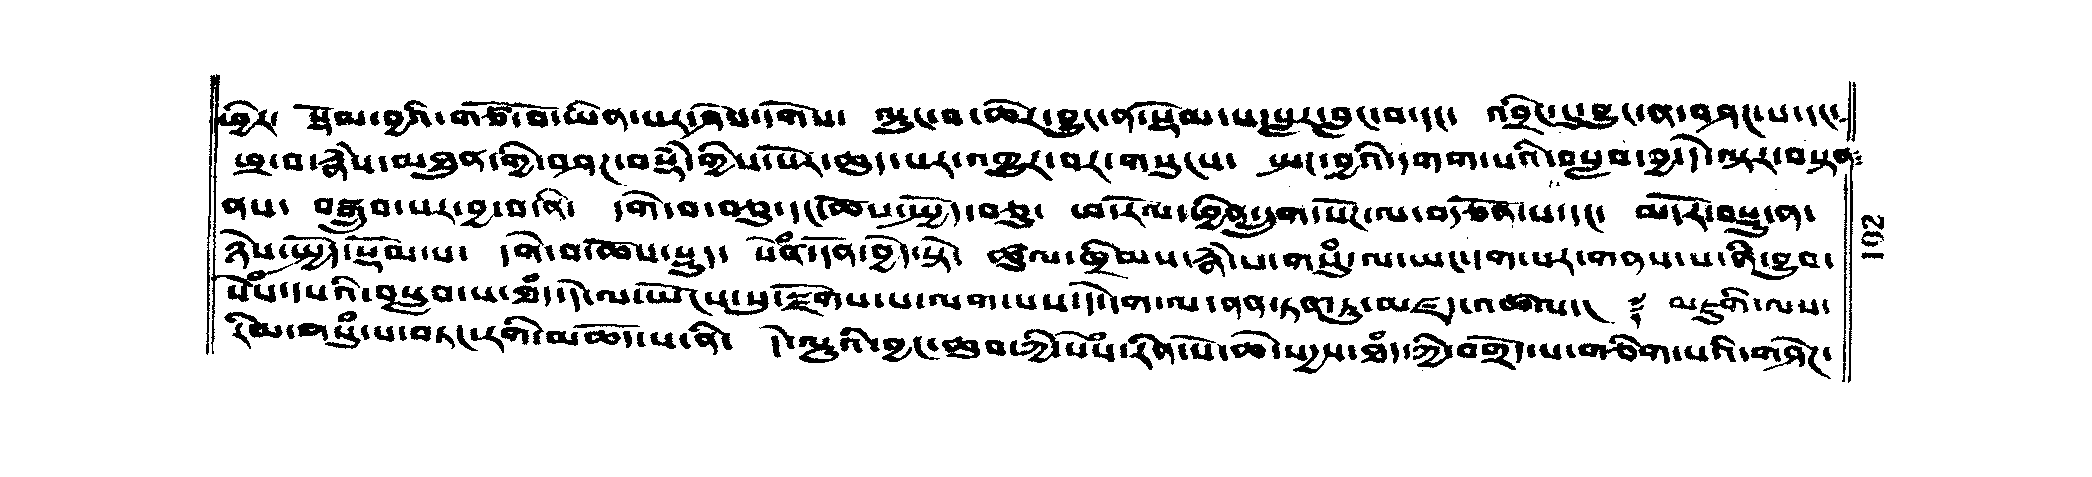ཕྱིར། སྡོམ་བྱའི་གཙོ་བོ་ཡིན་པར་ཤེས་དགོས། ལྟུང་བ་ཆེར་བྱུང་ན་སྡོམ་པ་སླར་བླང་བ་དང་། འབྲིང་དུ་བྱུང་བཤགས་པ་དང་
ཕྲ་བ་རྣམས་མཐུན་གྱི་བཤགས་བསྡོམ་གྱིས་སོར་ཆུད་པར་འགྱུར་གསུངས།སྤང་བྱའི་དགག་པའི་བསླབ་བྱ་དེ་ལྟར་བསྟན་
ནས། བསྒྲུབ་པར་བྱ་བ་ནི། དགེ་བ་བཅུ་དང་ཆོས་སྤྱོད་བཅུ། ཕ་རོལ་ཕྱིན་དྲུག་སོགས་ལ་བརྩོན་པ་དང་། མདོར་བསྡུ་ན་
ཉེས་སྤྱོད་སྡོམ་པ། དགེ་བ་ཆོས་སྡུད། སེམས་ཅན་དོན་བྱེད་སྟེ། ཚུལ་ཁྲིམས་རྣམ་པ་གསུམ་ལ་ཡང་དག་པར་གནས་པ་ནི་བྱང་ཆུབ་
སེམས་དཔའ་དཔའི་བསླབ་པ་ཐམས་ཅད་དེ་ལ་ཡོངས་སུ་རྫོགས་པ་ལག་པས་དེ་དག་ལ་ནན་ཏན་ཏུ་མཛད་འཚལ། ༈ མཇུག་གི་ལས་
རིམ་གསུམ་པ་བཏང་རག་གི་མཆོད་པ་ནི། དེ་ལྟ་བུའི་བྱང་ཆུབ་ཀྱི་སེམས་རིན་པོ་ཆེ་སངས་རྒྱས་ཐམས་ཅད་ཀྱི་བགྲོད་པ་གཅིག་པའི་གཤེགས་